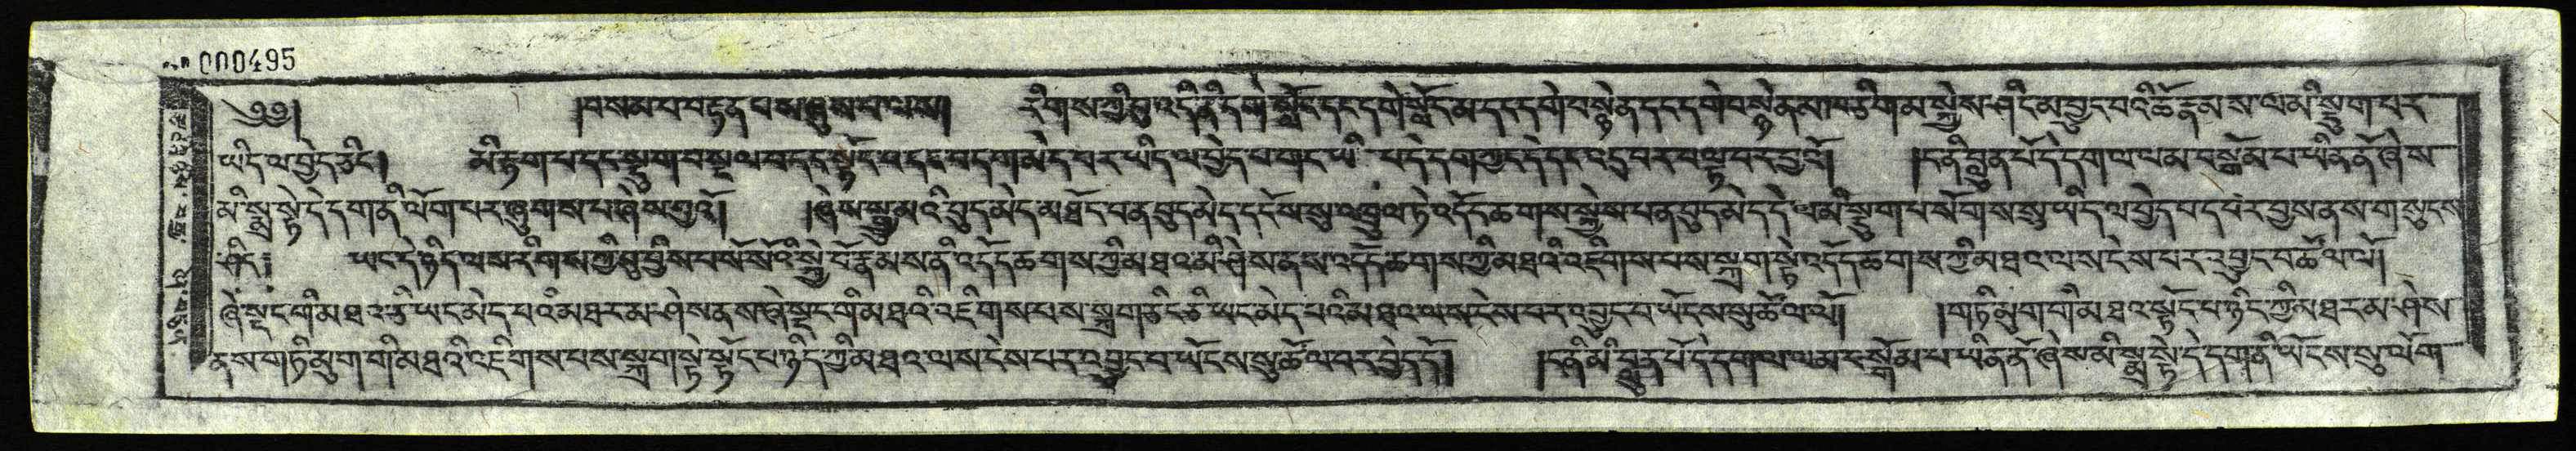༄༅། །བསམ་པ་བརྟན་པས་ཞུས་པ་ལས། རིགས་ཀྱི་བུ་འདི་ནི་དགེ་སློང་དང་དགེ་སློང་མ་དང་དགེ་བསྙེན་དང་དགེ་བསྙེན་མ་ཁ་ཅིག་མ་སྐྱེས་ཤིང་མ་བྱུང་བའི་ཆོ་རྣམས་ལ་མི་སྡུག་པར་
ཡིད་ལ་བྱེད་ཅིང་། མི་རྟག་པ་དང་སྡུག་བསྔལ་བ་དང་སྟོང་པ་དང་བདག་མེད་པར་ཡིད་ལ་བྱེད་པ་གང་ཡིན་པ་དེ་དག་ཀྱང་དེ་དང་འདྲ་བར་བལྟ་བར་བྱའོ། །ང་ནི་བླུན་པོ་དེ་དག་ལ་ལམ་བསྒོམ་པ་ཡིན་ནོ་ཞེས་
མི་སྨྲ་སྟེ་དེ་དག་ནི་ལོག་པར་ཞུགས་པ་ཞེས་བྱའོ། །ཞེས་སྒྱུ་མའི་བུད་མེད་མཐོང་བ་ན་བུད་མེད་དངོས་སུ་འཁྲུལ་ཏེ་འདོད་ཆགས་སྐྱེས་པ་ན་བུད་མེད་དེ་ལ་མི་སྡུག་པ་སོགས་སུ་ཡིད་ལ་བྱེད་པ་དཔེར་བྱས་ནས་གསུངས་
ཤིང༑ ཡང་དེ་ཉིད་ལས་རིགས་ཀྱི་བུ་བྱིས་པ་སོ་སོའི་སྐྱེ་བོ་རྣམས་ནི་འདོད་ཆགས་ཀྱི་མཐའ་མི་ཤེས་ནས་འདོད་ཆགས་ཀྱི་མཐའི་འཇིགས་པས་སྐྲག་སྟེ་འདོད་ཆགས་ཀྱི་མཐའ་ལས་ངེས་པར་འབྱུང་བ་ཚོལ་ལོ།
ཞེ་སྡང་གི་མཐའ་ཅི་ཡང་མེད་པའི་མཐར་མ་ཤེས་ནས་ཞེ་སྡང་གི་མཐའི་འཇིགས་པས་སྐྲག་ཅིང་ཅི་ཡང་མེད་པའི་མཐའ་ལས་ངེས་པར་འབྱུང་བ་ཡོངས་སུ་ཚོལ་ལོ། །གཏི་མུག་གི་མཐའ་སྟོང་པ་ཉིད་ཀྱི་མཐར་མ་ཤེས་
ནས་གཏི་མུག་གི་མཐའི་འཇིགས་པས་སྐྲག་སྟེ་སྟོང་པ་ཉིད་ཀྱི་མཐའ་ལས་ངེས་པར་འབྱུང་བ་ཡོངས་སུ་ཚོལ་བར་བྱེད་དོ། །ང་ནི་མི་བླུན་པོ་དེ་དག་ལ་ལམ་བསྒོམ་པ་ཡིན་ནོ་ཞེས་མི་སྨྲ་སྟེ་དེ་དག་ནི་ཡོངས་སུ་ལོག་